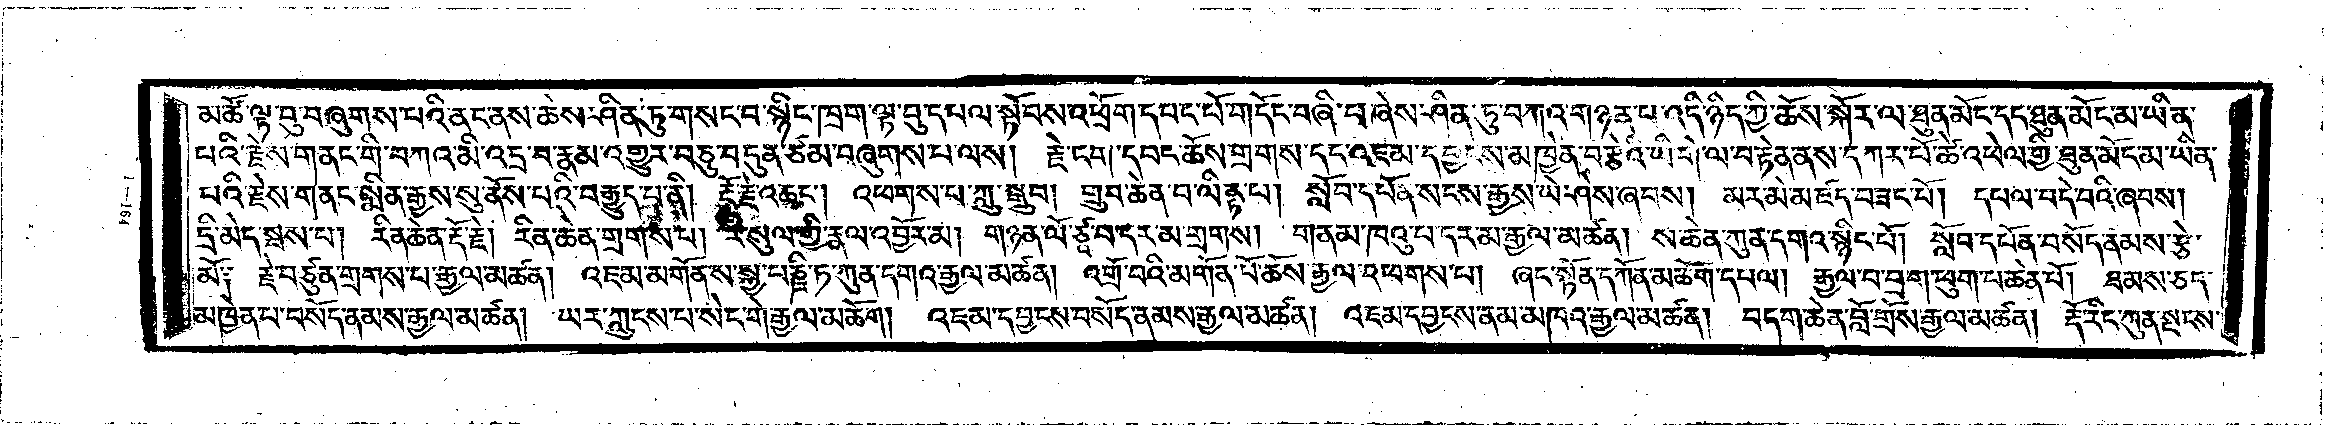མཚོ་ལྟ་བུ་བཞུགས་པའི་ནང་ནས་ཆེས་ཤིན་ཏུ་གསང་བ་སྙིང་ཁྲག་ལྟ་བུ་དཔལ་སྟོབས་འཕྲོག་དབང་པོ་གདོང་བཞི་བ་ཞེས་ཤིན་ཏུ་བཀའ་གཉན་པ་འདི་ཉིད་ཀྱི་ཆོས་སྐོར་ལ་ཐུན་མོང་དང་ཐུན་མོང་མ་ཡིན་
པའི་རྗེས་གནང་གི་བཀའ་མི་འདྲ་བ་རྣམ་འགྱུར་བཅུ་བདུན་ཙམ་བཞུགས་པ་ལས། རྗེ་ངག་དབང་ཆོས་གྲགས་དང་འཇམ་དབྱངས་མཁྱེན་བརྩེའི་ཡི་གེ་ལ་བརྟེན་ནས་དཀར་པོ་ཚེ་འཕེལ་གྱི་ཐུན་མོང་མ་ཡིན་
པའི་རྗེས་གནང་སྨིན་རྒྱས་སུ་ནོས་པའི་བརྒྱུད་པ་ནི། རྡོ་རྗེ་འཆང་། འཕགས་པ་ཀླུ་སྒྲུབ། གྲུབ་ཆེན་པ་ལིནྟ་པ། སློབ་དཔོན་སངས་རྒྱས་ཡེ་ཤེས་ཞབས། མར་མེ་མཛད་བཟང་པོ། དཔལ་བདེ་བའི་ཞབས།
དྲི་མེད་སྦས་པ། རིན་ཆེན་རྡོ་རྗེ། རིན་ཆེན་གྲགས་པ། རི་སུལ་གྱི་རྣལ་འབྱོར་མ། གཉན་ལོ་ཙཱ་བ་དར་མ་གྲགས། གནམ་ཁའུ་པ་དར་མ་རྒྱལ་མཚན། ས་ཆེན་ཀུན་དགའ་སྙིང་པོ། སློབ་དཔོན་བསོད་ནམས་རྩེ་
མོ༑ རྗེ་བཙུན་གྲགས་པ་རྒྱལ་མཚན། འཇམ་མགོན་ས་སྐྱ་པཎྜི་ཏ་ཀུན་དགའ་རྒྱལ་མཚན། འགྲོ་བའི་མགོན་པོ་ཆོས་རྒྱལ་འཕགས་པ། ཞང་སྟོན་དཀོན་མཆོག་དཔལ། རྒྱལ་བ་བྲག་ཕུག་པ་ཆེན་པོ། ཐམས་ཅད་
མཁྱེན་པ་བསོད་ནམས་རྒྱལ་མཚན། ཡར་ཀླུངས་པ་སེང་གེ་རྒྱལ་མཆོག། འཇམ་དབྱངས་བསོད་ནམས་རྒྱལ་མཚན། འཇམ་དབྱངས་ནམ་མཁའ་རྒྱལ་མཚན། བདག་ཆེན་བློ་གྲོས་རྒྱལ་མཚན། རྡོ་རིང་ཀུན་སྤངས་